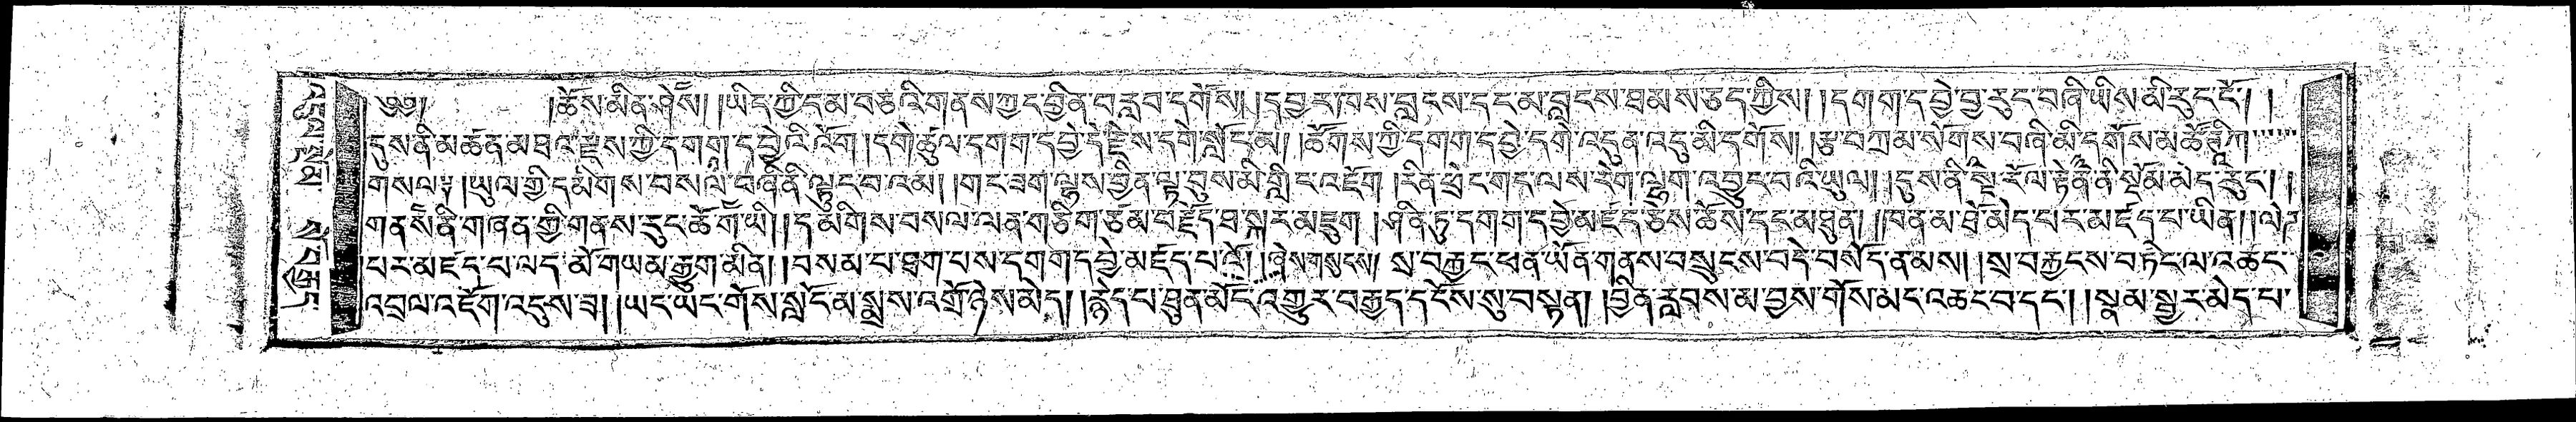༄༅། །ཆོས་མིན་ཤེས། །ཡིད་ཀྱི་དམ་བཅའི་གནས་ཀྱང་བྱིན་བརླབ་དགོས། །དབྱར་ཁས་བླངས་དང་མ་བླངས་ཐམས་ཅད་ཀྱིས། །དགག་དབྱེ་བྱ་རུང་བཞི་ཡིས་མི་རུང་ངོ། །
དུས་ནི་མཚན་མཐའ་རྫས་ཀྱི་དགག་དབྱེའི་འོག །དགེ་ཚུལ་དགག་དབྱེ་དེ་རྗེས་དགེ་སློང་མ། །ཚོགས་ཀྱི་དགག་དབྱེ་དགེ་འདུན་འདུ་མི་དགོས། །རྩ་བཀྲམ་སོགས་བཞི་མི་དགོས་མཚོ་ཊཱིཀ་
གསལ༑ །ཡུལ་གྱི་དམིགས་བསལ ༡་བཞི་ནི་ལྟུང་བ་འམ། །གང་ཟག་ལྷས་བྱིན་ལྟ་བུས་མི་གླིང་འཇོག །རིན་ཕྲེང་གང་ལས་རེག་ལྷག་འབྱུང་བའི་ཡུལ། །དུས་ནི་སྔ ༢་རོལ་རྟེན ༣་ནི་སྔོམ་མེད་རུང་། །
གནས ༤་ནི་གཞན་གྱི་གནས་རུང་ཆོ་ག ༤་ཡི། །དམིགས་བསལ་ལན་གཅིག་ཙམ་བརྗོད་ཐ་སྐར་མཇུག །ཤིན་ཏུ་དགག་དབྱེ་མཛད་ཅེས་ཆོས་དང་མཐུན། །ཁ་ན་མ་ཐོ་མེད་པར་མཛད་པ་ཡིན། །ལེགས་
པར་མཛད་པ་ལད་མོ་གཡམ་རྒྱུག་མིན། །བསམ་པ་ཐག་པས་དགག་དབྱེ་མཛད་པ་འོ། །ཞེས་གསུངས། སྲ་བརྐྱང་ཕན་ཡོན་གནས་བསྲུངས་བདེ་བསོད་ནམས། །སྲ་བརྐྱངས་བཏིང་ལ་འཆང་
འབྲལ་འཇོག་འདུས་ཟ། །ཡང་ཡང་གོས་སློང་མ་སྨྲས་འགྲོ་ཉེས་མེད། །རྙེད་པ་ཐུན་མོང་འགྱུར་བརྒྱད་དངོས་སུ་བསྟན། །བྱིན་རླབས་མ་བྱས་གོས་མང་འཆང་བ་དང་། །སྣམ་སྦྱར་མེད་པ་